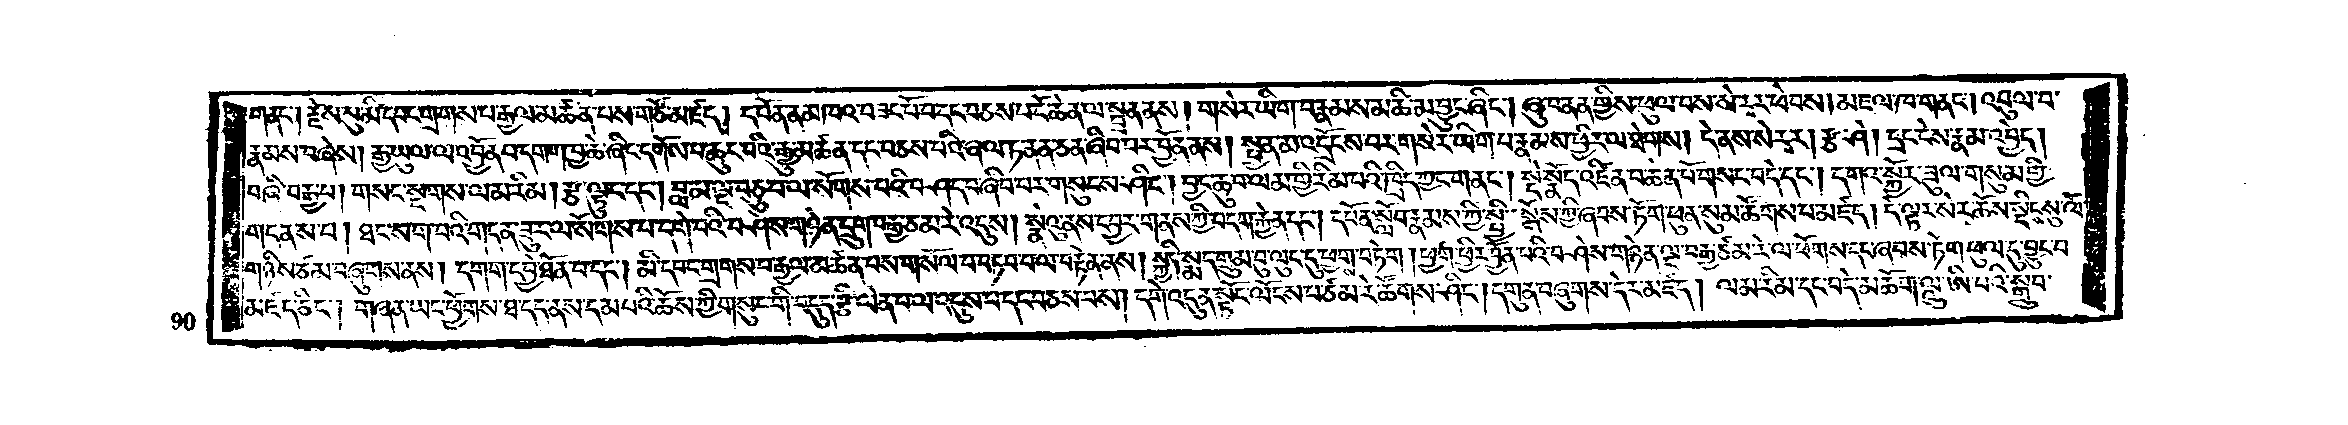གནང་། རྗེས་སུ་མི་དབང་གྲགས་པ་རྒྱལ་མཚན་པས་གཙོ་མཛད། དཔོན་ནམ་མཁའ་བཟང་པོ་བ་དང་བཅས་པ་ངོ་ཆེན་ལ་སྦྲན་ནས། གསེར་ཡིག་བརྣམས་མཚི་?་མ་བྱུང་ཞིང་། ཞུ་བ་ནན་གྱིས་ཕུལ་བས་སེ་རྭར་ཕེབས། མཇལ་ཁ་གནང་། འབུལ་བ་
རྣམས་བཞེས། རྒྱ་ཡུལ་ལ་འབྱོན་པ་དགག་བྱ་ཆེ་ཞིང་དགོས་པ་ཆུང་བའི་རྒྱུ་མཚན་དང་བཅས་པའི་ཞལ་ཏ་ནན་ཅན་ཞིབ་པར་བྱོན་ནས། སྤྱན་མ་འདྲོངས་པར་གསེར་ཡིག་པ་རྣམས་ཕྱིར་ལ་ཐེགས། དེ་ནས་སེ་རྭར། རྩ་ཤེ། དྲང་ངེས་རྣམ་འབྱེད།
བཞི་བརྒྱ་པ། གསང་སྔགས་ལམ་རིམ། རྩ་ལྟུང་དང་། བླ་མ་ལྔ་བཅུ་པ་ལ་སོགས་པའི་བཤད་པ་ཞིབ་པར་གསུངས་ཤིང་། བྱང་ཆུབ་ལམ་གྱི་རིམ་པའི་ཁྲིད་ཀྱང་གནང་། སྡེ་སྣོད་འཛིན་པ་ཆེན་པོ་གསང་བདེ་དང་། དགའ་སྐྱོར་ཟུལ་གསུམ་གྱི་
གདན་ས་པ། ཐང་སག་པའི་གདན་ཟུར་ལ་སོགས་པ་དགེ་བའི་བཤེས་གཉེན་དྲུག་བརྒྱ་ཙམ་རེ་འདུས། སྣེའུ་ནས་དབྱར་གནས་ཀྱི་བདག་རྐྱེན་དང་། དཔོན་སློབ་རྣམས་ཀྱི་སྤྱི་སྒོས་ཀྱི་ཞབས་ཏོག་ཕུན་སུམ་ཚོགས་པ་མཛད། དེ་ལྟར་སེར་ཆོས་སྡིངས་སུ་ལོ་
གཉིས་ཙམ་བཞུགས་ནས། དགག་དབྱེ་ཐོན་པ་དང་། མི་དབང་གྲགས་པ་རྒྱལ་མཚན་པས་གསོལ་བ་བཏབ་པ་ལ་བརྟེན་ནས། སྐྱིད་སྨད་གྲུམ་བུ་ལུང་དུ་ཕྱགས་བཏེག །ཕྱག་ཕྱིར་བྱོན་པའི་བཤེས་གཉེན་ལྔ་བརྒྱ་ཙམ་རེ་ལ་ཕྱོགས་དང་ཞབས་ཏེག་ཕུལ་དུ་བྱུང་བ་
མཛད་ཅིང་། གཞན་ཡང་ཕྱོགས་ཐ་དད་ནས་དམ་པའི་ཆོས་ཀྱི་གསུང་གི་བདུད་རྩི་ལེན་པ་ལ་འདུས་པ་དང་བཅས་པས། དགེ་འདུན་སྟོང་ལོངས་པ་ཙམ་རེ་ཚོགས་ཤིང་། དགུན་བཞུགས་དེར་མཛད། ལམ་རིམ་དང་བདེ་མཆོག་ལའུ་ཨི་པའི་སྒྲུབ་